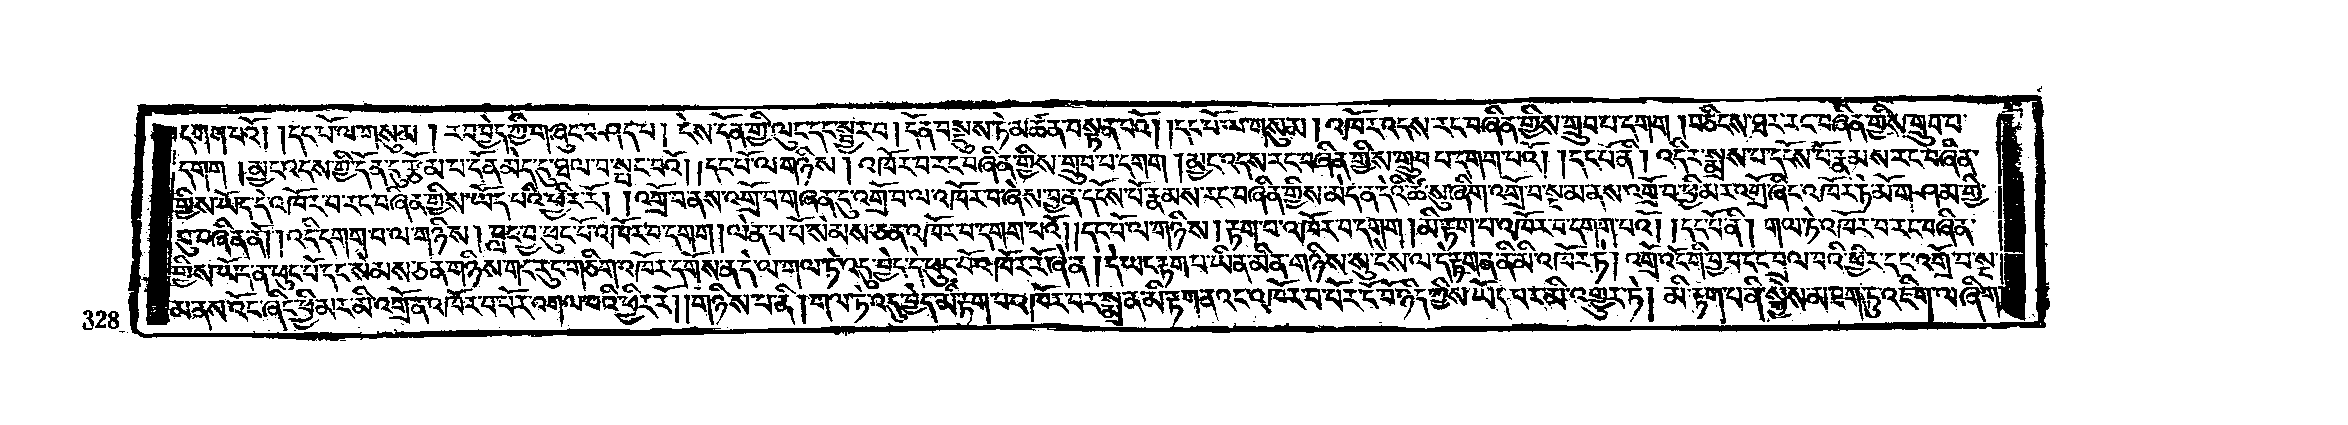དགག་པའོ། །དང་པོ་ལ་གསུམ་།རབ་བྱེད་ཀྱི་གཞུང་བཤད་པ། ངེས་དོན་གྱི་ལུང་དང་སྦྱར་བ། དོན་བསྡུས་ཏེ་མཚོན་བསྟན་པའོ། །དང་པོ་ལ་གསུམ། འཁོར་འདས་རང་བཞིན་གྱིས་གྲུབ་པ་དགག །བཅིངས་ཐར་རང་བཞིན་གྱིས་གྲུབ་པ་
དགག །མྱང་འདས་ཀྱི་དོན་དུ་རྩོམ་པ་དོན་མེད་དུ་ཐོལ་བ་སྤང་བའོ། །དང་པོ་ལ་གཉིས། འཁོར་བ་རང་བཞིན་གྱིས་གྲུབ་པ་དགག །མྱང་འདས་རང་བཞིན་གྱིས་གྲུབ་པ་དགག་བྱའོ། །དང་པོ་ནི། འདིར་སྨྲས་པ་དངོས་པོ་རྣམས་རང་བཞིན་
གྱིས་ཡོད་དེ་འཁོར་བ་རང་བཞིན་གྱིས་ཡོད་པའི་ཕྱིར་རོ། །འགྲོ་བ་ནས་འགྲོ་བ་གཞན་དུ་འགྲོ་བ་ལ་འཁོར་བ་ཞེས་བྱ་ན་དངོས་པོ་རྣམས་རང་བཞིན་གྱིས་མེད་ན་དེའི་ཚེ་སུ་ཞིག་འགྲོ་བ་སྔ་མ་ནས་འགྲོ་བ་ཕྱི་མར་འགྲོ་ཞིང་འཁོར་ཏེ་མོ་གཤམ་གྱི་
བུ་བཞིན་ནོ། །འདི་དགག་པ་ལ་གཉིས། བླང་བྱ་ཕུང་པོ་འཁོར་བ་དགག །ལེན་པ་པོ་སེམས་ཅན་འཁོར་བ་དགག་པའོ། །དང་པོ་ལ་གཉིས། རྟག་པ་འཁོར་བ་དགག །མི་རྟག་པ་འཁོར་བ་དགག་པའོ། །དང་པོ་ནི། གལ་ཏེ་འཁོར་བ་རང་བཞིན་
གྱིས་ཡོད་ན་ཕུང་པོ་དང་སེམས་ཅན་གཉིས་གང་རུང་གཅིག་འཁོར་དགོས་ན་དེ་ལ་གལ་ཏེ་འདུ་བྱེད་དེ་ཕུང་པོ་འཁོར་རོ་ཞེ་ན། དེ་ཡང་རྟག་པ་ཡིན་མིན་གཉིས་སུ་ངེས་ལ་དེ་རྟག་ན་ནི་མི་འཁོར་ཏེ། འགྲོ་འོང་གི་བྱ་བ་དང་བྲལ་བའི་ཕྱིར་དང་འགྲོ་བ་སྔ་
མ་ནས་འོང་ཞིང་ཕྱི་མར་མི་འགྲོན་འཁོར་བ་པོར་འགལ་བའི་ཕྱིར་རོ། །གཉིས་པ་ནི། གལ་ཏེ་འདུ་བྱེད་མི་རྟག་པ་འཁོར་བར་སྨྲ་ན་མི་རྟག་ནའང་འཁོར་བ་པོར་ངོ་བོ་ཉིད་ཀྱིས་ཡོད་པར་མི་འགྱུར་ཏེ། མི་རྟག་པ་ནི་སྐྱེས་མ་ཐག་ཏུ་འཇིག་ལ་ཞིག་